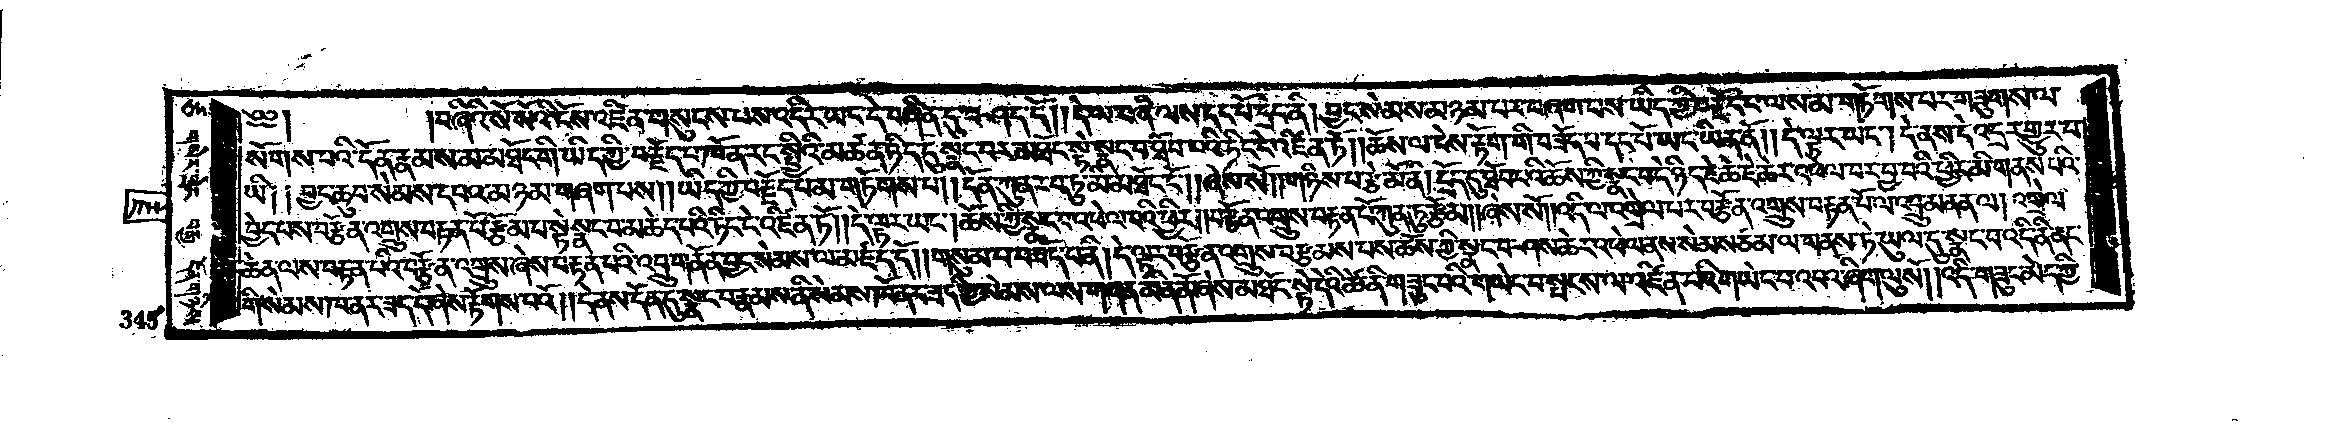༄༅། །བཞིའི་སོ་སོའི་ངོས་འཛིན་གསུངས་པས་འདིར་ཡང་དེ་བཞིན་དུ་བཤད་དོ། །དེ་ལ་བཞི་ལས་དང་པོ་དྲོད་ནི། བྱང་སེམས་མཉམ་པར་བཞག་པས་ཡིད་ཀྱི་བརྗོད་པ་ལས་མ་གཏོགས་པར་གཟུགས་ལ་
སོགས་པའི་དོན་རྣམས་མ་མཐོང་གི་ཡིད་ཀྱི་བརྗོད་པ་ཁོ་ན་རང་སྤྱིའི་མཚན་ཉིད་དུ་སྣང་བར་མཐོང་སྟེ་སྣང་བ་ཐོབ་པའི་ཏིང་ངེ་འཛིན་ཏོ། །ཆོས་ལ་ངེས་རྟོག་གི་བཟོད་པ་དང་པོ་ཡང་ཡིན་ནོ། །དེ་ལྟར་ཡང་། དེ་ནས་དེ་འདྲར་གྱུར་པ་
ཡི། །བྱང་ཆུབ་སེམས་དཔའ་མཉམ་གཞག་པས། །ཡིད་ཀྱི་བརྗོད་པ་མ་གཏོགས་པ། །དོན་ཀུན་རབ་ཏུ་མི་མཐོང་ངོ། །ཞེས་སོ། །གཉིས་པ་རྩེ་མོ་ནི། དྲོད་དུ་ཐོབ་པའི་ཆོས་ཀྱི་སྣང་བ་དེ་ཉིད་ཇེ་ཆེ་ཇེ་ཆེར་འཕལ་བར་བྱ་བའི་ཕྱིར་མི་གནས་པའི་
བྱེད་པས་བརྩོན་འགྲུས་བརྟན་པོ་རྩོམ་པ་སྟེ་སྣང་བ་མཆེད་པའི་ཏིང་ངེ་འཛིན་ཏོ། །དེ་ལྟར་ཡང་། ཆོས་ཀྱི་སྣང་བ་འཕེལ་བའི་ཕྱིར། །བརྩོན་འགྲུས་བརྟན་པོ་ཀུན་ཏུ་རྩོམ། །ཞེས་སོ། །འདི་ལ་འགྲེལ་པར་བརྩོན་འགྲུས་བརྟན་པོ་ལ་འབྲུ་མནན་ལ། འགྲེལ་
ཆེན་ལས་བརྟན་པའི་བརྩོན་འགྲུས་ཞེས་བརྟན་པའི་འབྲུ་གནོན་བྱང་སེམས་ལ་མཛད་དོ། །གསུམ་པ་བཟོད་པ་ནི། དེ་ལྟར་བརྩོན་འགྲུས་བརྩམས་པས་ཆོས་ཀྱི་སྣང་བ་ཤས་ཆེར་འཕེལ་ནས་སེམས་ཙམ་ལ་གནས་ཏེ་ཡུལ་དུ་སྣང་བ་འདི་ནི་ནང་
གི་སེམས་ཁོ་ནར་ཟད་དོ་ཞེས་རྟོགས་པའོ། །དེ་ནས་དོན་དུ་སྣང་བ་རྣམས་ནི་སེམས་ཁོ་ནར་ཟད་ཀྱི་སེམས་ལས་གཞན་མིན་ནོ་ཞེས་མཐོང་སྟེ་དེའི་ཚེ་ནི་གཟུང་བའི་གཡེང་བ་སྤངས་ལ་འཛིན་པའི་གཡེང་བ་འབའ་ཞིག་ལུས་སོ། །འདི་གཟུང་མེད་ཀྱི་